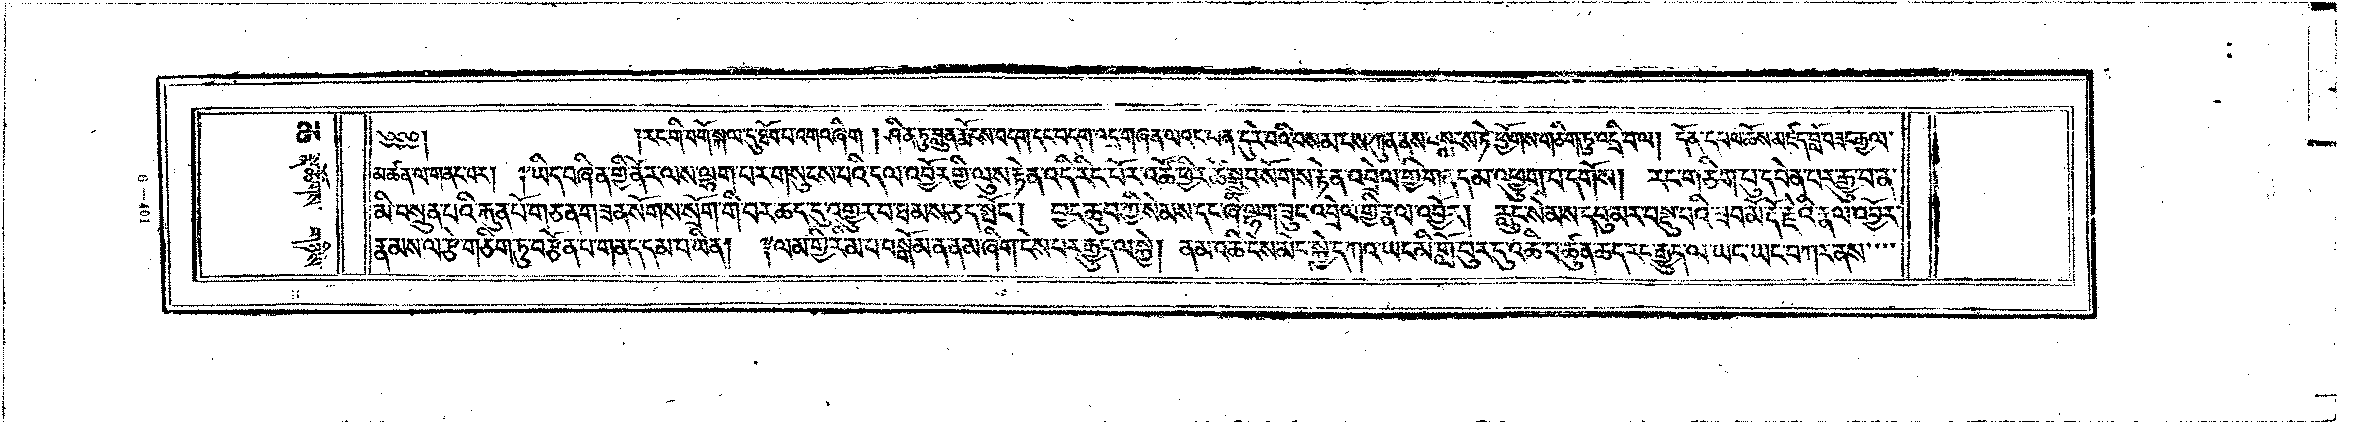༄༅༅། །རང་གི་བགོ་སྐལ་དུ་ཐོབ་པ་འགའ་ཞིག །ཤིན་ཏུ་བླུན་རྨོངས་བདག་དང་བདག་འདྲ་གཞན་ལའང་ཕན་དུ་རེ་བའི་བསམ་པས་ཀུན་ནས་བསླངས་ཏེ་ཕྱོགས་གཅིག་ཏུ་འདྲི་བ་ལ། དོན་དཔལ་ཆོས་མཛད་བློ་བཟང་རྒྱལ་
མཚན་ལ་གནང་བར། ༈ ཡིད་བཞིན་གྱི་ནོར་ལས་ལྷག་པར་གསུངས་པའི་དལ་འབྱོར་གྱི་ལུས་རྟེན་འདི་རིང་པོར་འཚོ་ཕྱིར་ཚེ་སྒྲུབ་སོགས་རྟེན་འབྲེལ་གྱི་གནད་མ་འཕྱུགས་པ་དགོས། རང་གཅིག་པུ་དབེན་པར་རྒྱུ་བ་ན་
མི་བསྲུན་པའི་རྐུན་པོ་གཅན་གཟན་སོགས་སྲོག་གི་བར་ཆད་དུ་འགྱུར་བ་ཐམས་ཅད་སྤོང་། བྱང་ཆུབ་ཀྱི་སེམས་དང་ཞི་ལྷག་ཟུང་འབྲེལ་གྱི་རྣལ་འབྱོར། རླུང་སེམས་དབུ་མར་བསྡུ་བའི་ཟབ་མོ་རྡོ་རྗེའི་རྣལ་འབྱོར་
རྣམས་ལ་རྩེ་གཅིག་ཏུ་བརྩོན་པ་གནད་དམ་པ་ཡིན། ༈ ལམ་གྱི་རིམ་པ་བསྒོམ་ན་ནམ་ཞིག་ངེས་པར་རྒྱུད་ལ་སྐྱེ། ནམ་འཆི་ངེས་མེད་སྐྱེ་དཀའ་ཡང་མི་གློ་བུར་དུ་འཆི་བ་ཚུན་ཆད་རབ་རྒྱུད་ལ་ཡང་ཡང་བཀར་ནས་